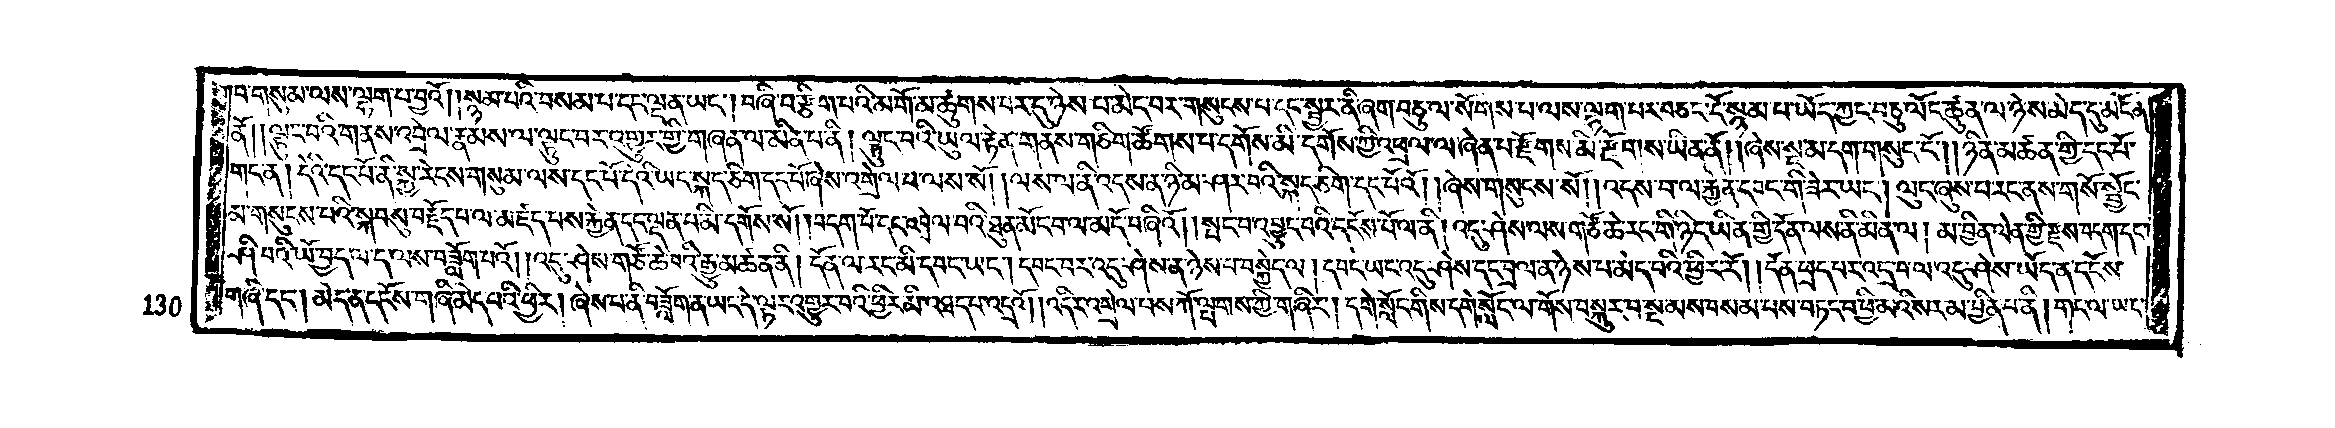པ་གསུམ་ལས་ལྷག་པ་བྱའོ། །སྙམ་པའི་བསམ་པ་དང་ལྡན་ཡང་། བཞི་པ་རྩིག་པའི་མདོ་མ་ཚུགས་བར་དུ་ཉེས་པ་མེད་པར་གསུངས་པ་དང་སྦྱར་ན་ཞག་བཅུ་ལ་སོགས་པ་ལས་ལྷག་པར་བཅང་ངོ་སྙམ་པ་ཡོད་ཀྱང་བཅུ་ལོང་ཚུན་ལ་ཉེས་མེད་དུ་མངོན་
ནོ། །ལྟུང་བའི་གནས་འབྲེལ་རྣམས་ལ་ལྟུང་བར་འགྱུར་གྱི་གཞན་ལ་མིན་པ་ནི། ལྟུང་བའི་ཡུལ་རྟེན་གནས་གཅིག་ཚོགས་པ་དགོས་མི་དགོས་ཀྱི་འཕྲལ་ལ་ཞེན་པ་རྫོགས་མི་རྫོགས་ཡིན་ནོ། །ཞེས་སྔ་མ་དག་གསུང་ངོ། །ཉིན་མཚན་གྱི་དང་པོ་
གང་ན། དེའི་དང་པོ་ནི་སྐྱ་རེངས་གསུམ་ལས་དང་པོ་དེའི་ཡང་སྐད་ཅིག་དང་པོ་ཞེས་འགྲེལ་པ་ལས་སོ། །ལས་ལ་ནི་འདས་ན་ཉི་མ་ཤར་བའི་སྐད་ཅིག་དང་པོའོ། །ཞེས་གསུངས་སོ། །འདས་པ་ལ་རྐྱེན་དབང་གི་ཟེར་ཡང་། ལུང་ཞུས་པ་རང་ནས་གསོ་སྦྱོང་
མ་གསུངས་པའི་སྐབས་སུ་བརྗོད་པ་ལ་མཛད་པས་རྐྱེན་དང་ལྡན་པ་མི་དགོས་སོ། །བདག་པོ་དང་འབྲེལ་བའི་ཐུན་མོང་བ་ལ་མདོ་བཞིའོ། །སྤང་བ་འབྱུང་བའི་དངོས་པོ་ལ་ནི། འདུ་ཤེས་ལས་གཙོ་ཆེ་རང་གི་ཉིད་ཡིན་གྱི་དོན་ལས་ནི་མིན་ལ། མ་བྱིན་ལེན་གྱི་རྫས་བདག་དང་
ཤེ་བའི་ཡོ་བྱད་ལ་ད་ལས་བཟློག་པའོ། །འདུ་ཤེས་གཙོ་ཆེ་བའི་རྒྱུ་མཚན་ནི། དོན་ལ་རང་མི་དབང་ཡང་། དབང་བར་འདུ་ཤེས་ན་ཉེས་པ་བསྐྱེད་ལ། དབང་ཡང་འདུ་ཤེས་དང་བྲལ་ན་ཉེས་པ་མེད་པའི་ཕྱིར་རོ། །དོན་ཕྲད་པར་འདྲ་བ་ལ་འདུ་ཤེས་ཡོད་ན་དངོས་
གཞི་དང་། མེད་ན་དངོས་གཞི་མེད་པའི་ཕྱིར། ཞེས་པ་ནི་བཟློག་ན་ཡང་དེ་ལྟར་འགྱུར་བའི་ཕྱིར་མི་འཐད་པ་འདྲའོ། །འདིར་འགྲེལ་པས་ཀོ་ལྤགས་གྱི་གཞིར། དགེ་སློང་གིས་དགེ་སློང་ལ་གོས་བསྐུར་བ་སྔ་མས་བསམ་པས་བཏང་བ་ཕྱི་མའི་སར་མ་བྱིན་པ་ནི། གང་ལ་ཡང་